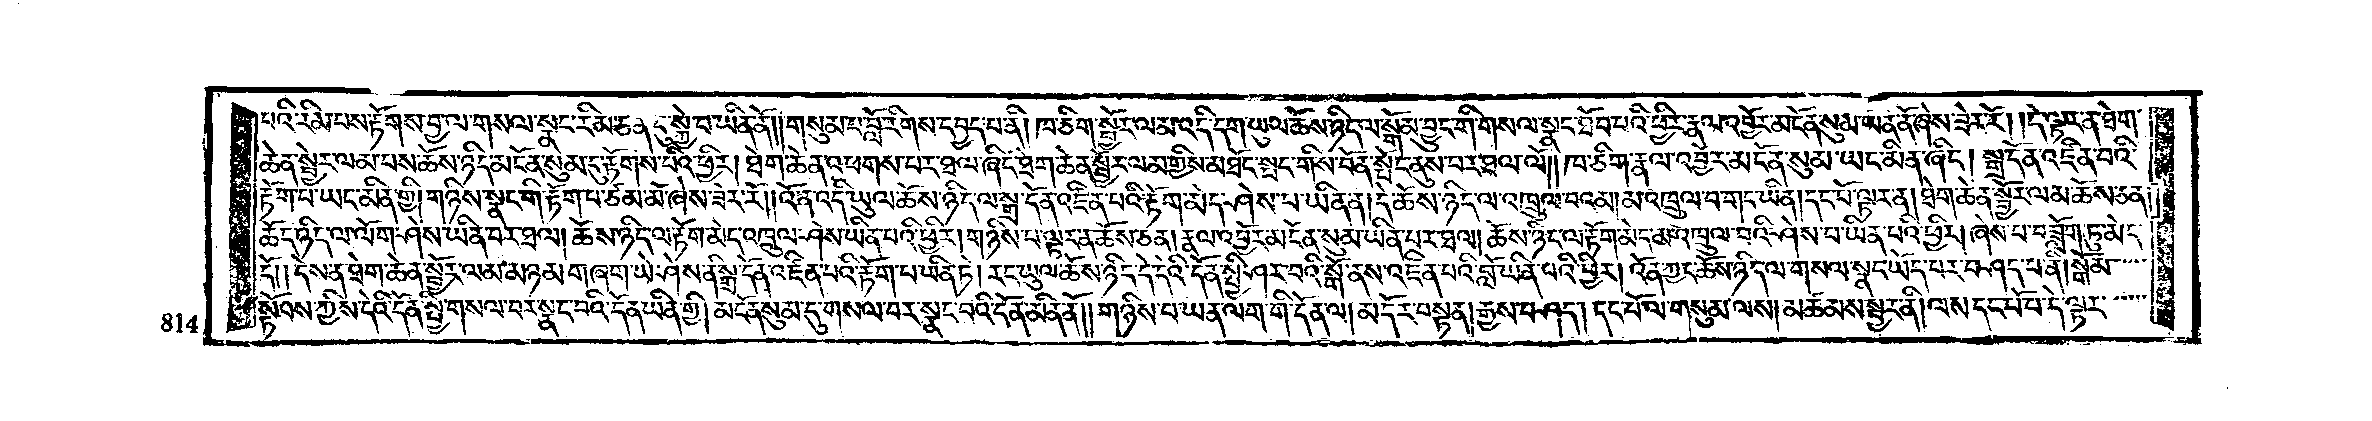པའི་རིམ་པས་རྟོགས་བྱ་ལ་གསལ་སྣང་རིམ་ཅན་དུ་སྐྱེ་བ་ཡིན་ནོ། །གསུམ་པ་བློ་རིགས་དཔྱད་པ་ནི། ཁ་ཅིག་སྦྱོར་ལམ་འདི་དག་ཡུལ་ཆོས་ཉིད་ལ་སྒོམ་བྱུང་གི་གསལ་སྣང་ཐོབ་པའི་ཕྱིར་རྣལ་འབྱོར་མངོན་སུམ་ཡིན་ནོ་ཞེས་ཟེར་རོ། །དེ་ལྟར་ན་ཐེག་
ཆེན་སྦྱོར་ལམ་པས་ཆོས་ཉིད་མངོན་སུམ་དུ་རྟོགས་པའི་ཕྱིར། ཐེག་ཆེན་འཕགས་པར་ཐལ་ཞིང་ཐེག་ཆེན་སྦྱོར་ལམ་གྱིས་མཐོང་སྤང་གི་ས་བོན་སྤོང་ནུས་པར་ཐལ་ལོ། །ཁ་ཅིག་རྣལ་འབྱོར་མངོན་སུམ་ཡང་མིན་ཞིང་། སྒྲ་དོན་འཛིན་པའི་
རྟོག་པ་ཡང་མིན་གྱི། གཉིས་སྣང་གི་རྟོག་པ་ཙམ་མོ་ཞེས་ཟེར་རོ། །འོ་ན་འདི་ཡུལ་ཆོས་ཉིད་ལ་སྒྲ་དོན་འཛིན་པའི་རྟོག་མེད་ཤེས་པ་ཡིན་ན། དེ་ཆོས་ཉིད་ལ་འཁྲུལ་བའམ། མ་འཁྲུལ་བ་གང་ཡིན། དང་པོ་ལྟར་ན། ཐེག་ཆེན་སྦྱོར་ལམ་ཆོས་ཅན།
ཆོད་ཉིད་ལ་ལོག་ཤེས་ཡིན་པར་ཐལ། ཆོས་ཉིད་ལ་རྟོག་མེད་འཁྲུལ་ཤེས་ཡིན་པའི་ཕྱིར། གཉིས་པ་ལྟར་ན་ཆོས་ཅན། རྣལ་འབྱོར་མངོན་སུམ་ཡིན་པར་ཐལ། ཆོས་ཉིད་ལ་རྟོག་མེད་མ་འཁྲུལ་བའི་ཤེས་པ་ཡིན་པའི་ཕྱིར། ཞེས་པ་བཟློག་ཏུ་མེད་
དོ། །དེས་ན་ཐེག་ཆེན་སྦྱོར་ལམ་མཉམ་གཞག་ཡེ་ཤེས་ནི་སྒྲ་དོན་འཛིན་པའི་རྟོག་པ་ཡིན་ཏེ། རང་ཡུལ་ཆོས་ཉིད་དེ་དེའི་དོན་སྤྱི་ཤར་བའི་སྒོ་ནས་འཛིན་པའི་བློ་ཡིན་པའི་ཕྱིར། འོན་ཀྱང་ཆོས་ཉིད་ལ་གསལ་སྣང་ཡོད་པར་བཤད་པ་ནི། སྒོམ་
སྟོབས་ཀྱིས་དེའི་དོན་སྤྱི་གསལ་བར་སྣང་བའི་དོན་ཡིན་གྱི། མངོན་སུམ་དུ་གསལ་བར་སྣང་བའི་དོན་མིན་ནོ། །གཉིས་པ་ཡན་ལག་གི་དོན་ལ། མདོར་བསྟན། རྒྱས་བཤད། དང་པོ་ལ་གསུམ་ལས། མཚམས་སྦྱར་ནི། ལས་དང་པོ་པ་དེ་ལྟར་